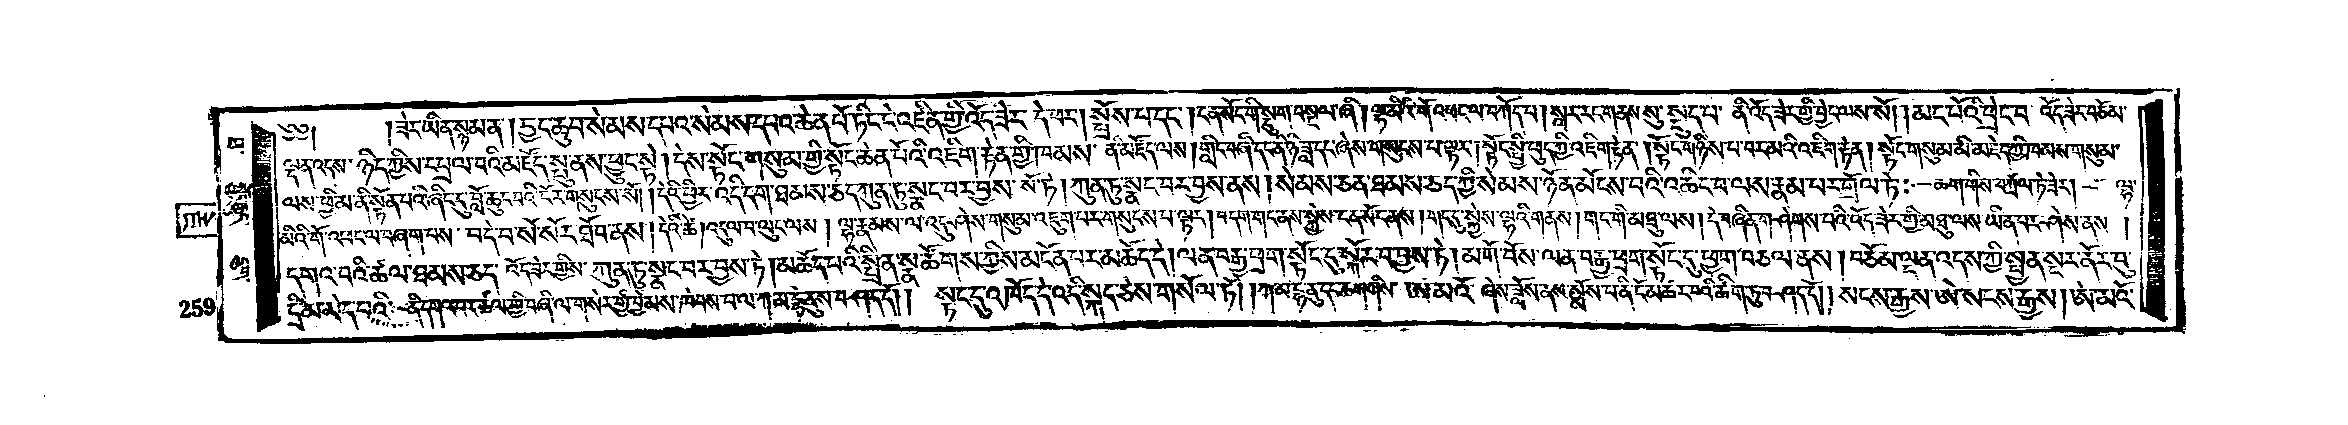༄༅། །ཟེར་ཡིན་སྙམ་ན།  བྱང་ཆུབ་སེམས་དཔའ་སེམས་དཔའ་ཆེན་པོ་ཏིང་ངེ་འཛིན་གྱི་འོད་ཟེར་དེ་ཕར།  སྤྲོས་པ་དང་། ངན་སོང་གི་སྡུག་བསྔལ་ཞི། ལྷ་མིའི་གོ་འཕང་ལ་བཀོད་པ། སླར་རང་གནས་སུ་སྡུད་པ་ནི་འོད་ཟེར་གྱི་བྱེད་ལས་སོ།  །མང་པོའི་ཕྲེང་བ་འོད་ཟེར་བཅོམ་
ལྡན་འདས་ཉིད་ཀྱིས་དཔྲལ་བའི་མཛོད་སྤུ་ནས་ཕྱུང་སྟེ། དེས་སྟོང་གསུམ་གྱི་སྟོང་ཆེན་པོའི་འཇིག་རྟེན་གྱི་ཁམས་ནི་མཛོད་ལས། གླིང་བཞི་དང་ནི་ཉི་ཟླ་དང་ཞེས་གསུངས་པ་ལྟར། སྟོང་སྤྱི་ཕུད་ཀྱི་འཇིག་རྟེན། སྟོང་གཉིས་པ་བར་མའི་འཇིག་རྟེན། སྟོང་གསུམ་མི་མཇེད་ཀྱི་ཁམས་གསུམ་
ལས་ཕྱི་མ་ནི་སྟོན་པའི་ཞིང་དུ་བློ་ཆུང་བའི་ངོར་གསུངས་སོ། །དེའི་ཕྱིར་འདི་དག་ཐམས་ཅད་ཀུན་ཏུ་སྣང་བར་བྱས་སོ་ཏེ། ཀུན་ཏུ་སྣང་བར་བྱས་ནས། སེམས་ཅན་ཐམས་ཅད་ཀྱི་སེམས་ཉོན་མོངས་པའི་འཆིང་བ་ལས་རྣམ་པར་གྲོལ་ཏེ་ཆག་གིས་བཀྲོལ་ཏེ་ཟེར། ལྷ་
མིའི་གོ་འཕང་ལ་བཞག་པས་བདེ་བ་སོ་སོར་ཐོབ་ནས། དེའི་ཚེ། འདུལ་བ་ལུང་ལས། ལྷ་རྣམས་ལ་འདུ་ཤེས་གསུམ་འཇུག་པར་གསུངས་པ་ལྟར། བདག་གང་ནས་སྐྱེས་ངན་སོང་ནས། གང་དུ་སྐྱེས་ལྷའི་གནས། གང་གི་མཐུ་ལས། དེ་བཞིན་གཤེགས་པའི་འོད་ཟེར་གྱི་མཐུ་ལས་ཡིན་པར་ཤེས་ནས།
དགའ་བའི་ཚལ་ཐམས་ཅད་འོད་ཟེར་གྱིས་ཀུན་ཏུ་སྣང་བར་བྱས་ཏེ། མཆོད་པའི་སྤྲིན་སྣ་ཚོགས་ཀྱིས་མངོན་པར་མཆོད་དེ། ལན་བརྒྱ་ཕྲག་སྟོང་དུ་སྐོར་བ་བྱས་ཏེ། མགོ་བོས་ལན་བརྒྱ་ཕྲག་སྟོང་དུ་ཕྱག་བཙལ་ནས། བཅོམ་ལྡན་འདས་ཀྱི་སྤྱན་སྔར་ནོར་བུ་
དྲི་མ་མེད་པའི་ནི་དགའ་བར་ཚལ་གྱི་བཞི་ལ་གསེར་གྱི་བྱེ་མས་ཁེབས་པ་ལ་ཀ་མ་དྷེ་ནུས་བཤད་དོ།  །སྟོང་དུ་འཁོད་དེ་འདི་སྐད་ཅེས་གསོལ་ཏོ། །ཀ་མ་དྷེ་ནུ་དང་ཆག་གིས་ཨེ་མའོ་ཞེས་ཟླས་ནས་སྨོས་པ་ནི་ངོ་མཚར་བའི་ཚིག་ཏུ་བཤད་དོ།  །སངས་རྒྱས་ཨེ་སངས་རྒྱས། ཨེ་མའོ་